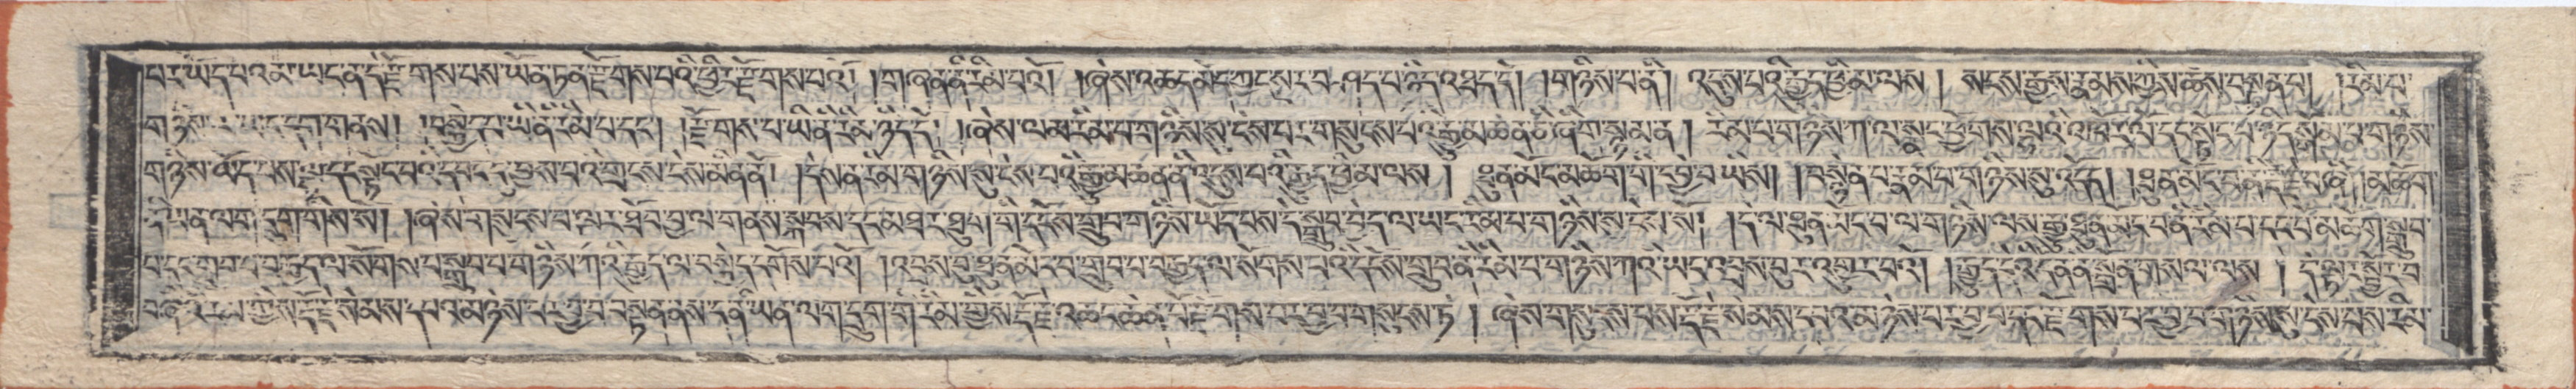པར་ཡོད་པའམ་ཡང་ན་དེ་རྫོགས་པས་ཡོན་ཏན་རྫོགས་པའི་ཕྱིར་རྫོགས་པའོ། །གཞན་ནི་རིམ་པའོ། །ཞེས་འཆད་མོད་ཀྱང་སྔར་བཤད་པ་ཉིད་འཐད་དོ། །གཉིས་པ་ནི། འདུས་པའི་རྒྱུད་ཕྱི་མ་ལས། སངས་རྒྱས་རྣམས་ཀྱིས་ཆོས་བསྟན་པ། །རིམ་པ་
གཉིས་ལ་ཡང་དག་གནས། །བསྐྱེད་པ་ཡི་ནི་རིམ་པ་དང་། །རྫོགས་པ་ཡི་ནི་རིམ་ཉིད་དོ། །ཞེས་ལམ་རིམ་པ་གཉིས་སུ་ངེས་པར་གསུངས་པའི་རྒྱུ་མཚན་ཅི་ཞིག་སྙམ་ན། རིམ་པ་གཉིས་ཀ་ལ་སྣང་ཕྱོགས་ལྷའི་འཁོར་ལོ་དང་སྟོང་པ་ཉིད་སྒོམ་པ་གཉིས་
གཉིས་ཡོད་པས་ལྷ་དང་སྟོང་པའི་དབང་དུ་བྱས་པའི་གྲངས་ངེས་མིན་ནོ། །དེས་ན་རིམ་གཉིས་སུ་ངེས་པའི་རྒྱུ་མཚན་ནི་འདུས་པའི་རྒྱུད་ཕྱི་མ་ལས། ཐུན་མོང་མཆོག་གི་དབྱེ་བ་ཡིས། །བསྙེན་པ་རྣམ་པ་གཉིས་སུ་འདོད། །ཐུན་མོང་བ་ནི་རྡོ་རྗེ་བཞི། །མཆོག་
ནི་ཡན་ལག་དྲུག་གིས་སོ། །ཞེས་གསུངས་པ་ལྟར་ཐོབ་བྱ་ལ་གནས་སྐབས་དང་མཐར་ཐུག་གི་དངོས་གྲུབ་གཉིས་ཡོད་པས་དེ་སྒྲུབ་བྱེད་ལ་ཡང་རིམ་པ་གཉིས་སུ་ངེས་སོ། །དེ་ལ་ཐུན་མོང་བ་ལ་གཉིས་ལས་རྒྱུ་ཐུན་མོང་བ་ནི་རིམ་པ་དང་པོ་མཆོག་སྒྲུབ་
པ་དང་གྲུབ་པ་བརྒྱད་ལ་སོགས་པ་སྒྲུབ་པ་གཉིས་ཀའི་རྒྱུད་ལ་བསྐྱེད་དགོས་པའོ། །འབྲས་བུ་ཐུན་མོང་བ་གྲུབ་པ་བརྒྱད་ལ་སོགས་པའི་དངོས་གྲུབ་ནི་རིམ་པ་གཉིས་ཀའི་ཡང་འབྲས་བུར་འགྱུར་བའོ། །རྒྱུད་དེའི་དོན་ནི་སྒྲོན་གསལ་ལས། དེ་ལྟར་སྦྱོར་བ་
བཞིའི་རིམ་གྱིས་རྡོ་རྗེ་སེམས་དཔའ་མཉེས་པར་བྱ་བ་བསྟན་ནས་དེ་ནི་ཡན་ལག་དྲུག་གི་རིམ་གྱིས་རྡོ་རྗེ་འཆང་ཆེན་པོ་རྫོགས་པར་བྱ་བ་གསུངས་ཏེ། ཞེས་གསུངས་པས་རྡོ་རྗེ་སེམས་དཔའ་མཉེས་པར་བྱ་བ་དང་རྫོགས་པར་བྱ་བ་གཉིས་སུ་ངེས་པས་རིམ་